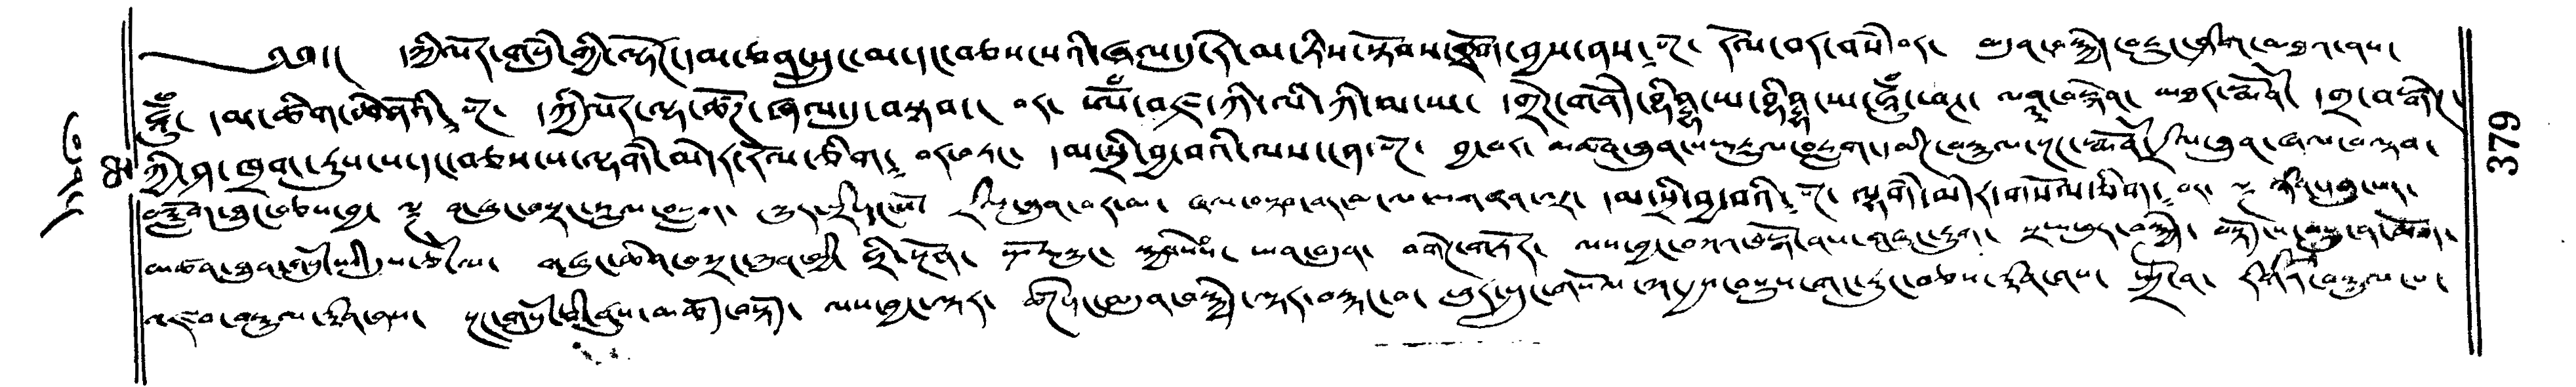དཀྱིལ་འཁོར་གསུམ་གྱི་ལྷ་ཚོགས་དམ་ཅན་སྲུང་མ་དང་བཅས་པའི་ཞལ་དུ་རེ་མ་རིས་བསྟོབ་གྲོགས་བྱས་ནས༴ སོགས། རོལ་བར་བསམ་བར། མདུན་བསྐྱེད་བརྡུང་ཤིག༴ མཐའ་ནས། 
ཧཱུྃ༔ དམ་ཚིག་ཆེན་པོའི༴ སོགས། དཀྱིལ་འཁོར་ལྷ་ཚོགས་ཞལ་དུ་བསྟབ༔ བར། ཨོཾ་བཛྲ་ཀི་ལི་ཀི་ལ་ཡ༔ དགྲ་བགེགས་གནོད་བྱེད་བྷིནྡྷ་ཡ་བྷིནྡྷ་ཡ་ཧཱུྃ་ཕཊཿ ལན་གསུམ་བསྙེན། མཐར་སྨོན་ལམ། དགྲ་བགེགས་
ཀྱི་ཤ་ཁྲག་རུས་པ་དང་བཅས་པ་ལྷག་མ་མེད་པར་རོལ་ཅིག བར་བཏང་། དམ་སྲི་བྱ་བའི་ལས་ངན༴ སོགས། བྱ་བར་མཚན་ཐུན་པས་རྡུལ་བརླག་དམིགས་བསྐུལ། སྔགས། སྨོན་ལམ། དྲིལ་ཐུན། ཞལ་བསྟབ། 
བཟློག་ཐུང་བཅས་བྱ། ༈ གཞུང་བསྲང་རྡུལ་བརླག བྱུར་སྲི་དང་པོ། དྲིལ་ཐུན་བར་མ། ཞལ་བསྟབ་བར་མ་ལས་གཞན་འདྲ། དམ་སྲི་བྱ་བའི༴ སོགས། ལྷག་མ་མེད་པར་གསོལ་ཅིག བར། ༈ ཉིན་དགུ་པར་
མཚན་ཐུན་གསུམ་པའི་དུས་ཙམ་ལ། གཞུང་ཆེན་བསྲང་པ་ཀུན་གྱི། ཧྲཱིཿསྔོན༴ སྤོས་ཕྱུང་། སྐྱབས་སེམས། ཡན་བདུན། བགེགས་གཏོར། ལས་བྱང་བཀའ་བསྒོ་ནས་གཞུང་རྒྱུག སྲས་ཕུར་བསྐྱེད། བསྟོད་པ་བསྡུ་ན་ཆོག་
འཛབ་བསྐུལ་ཟིན་ནས། སྔགས་གསུམ་ཅི་ནུས། མཆོད་བསྟོད་ལས་བྱང་ལྟར། ཚོགས་དང་མདུན་བསྐྱེད་ལྟར་བསྐང་བ། ཕུར་སྲུང་གསོལ་ཀ་རྒྱས་བསྡུས་གང་རུང་བཅས་ཟིན་ནས། སྤྲོ་ན་རིག་འཛིན་བསྐུལ་པ།